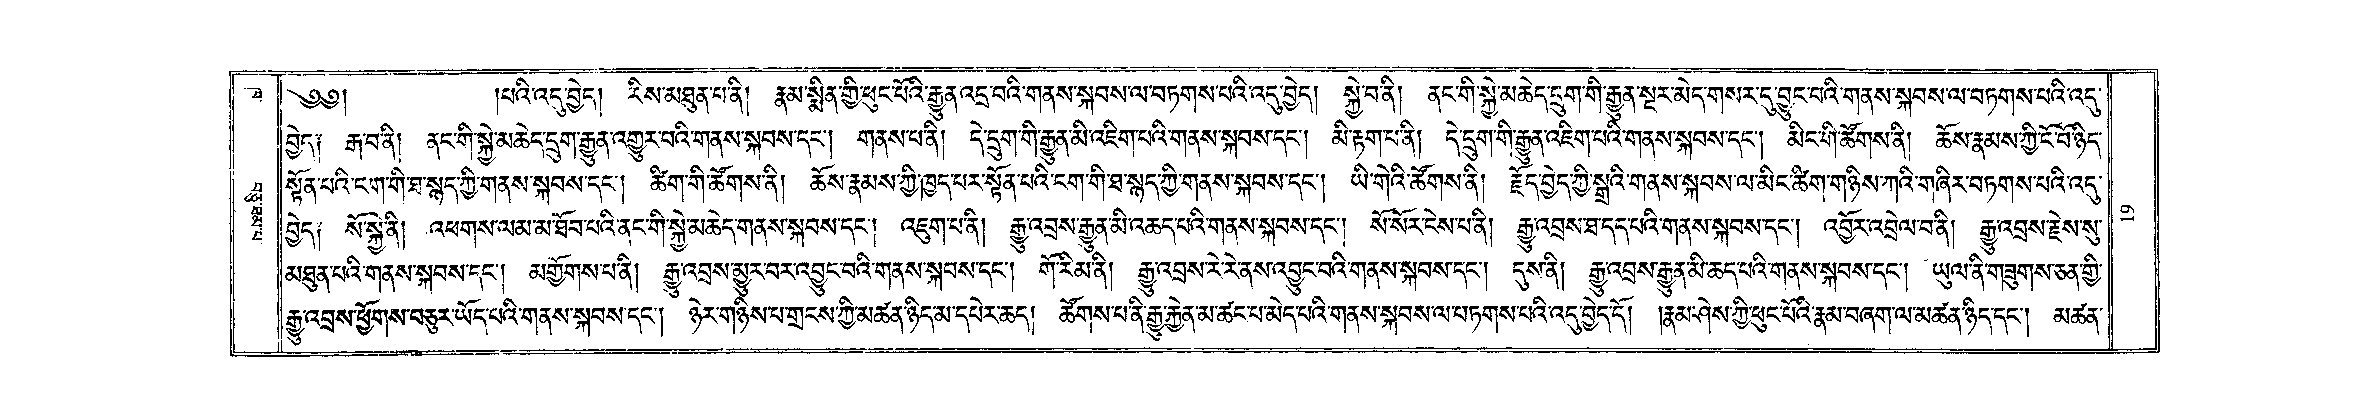༄༅། །པའི་འདུ་བྱེད། རིས་མཐུན་པ་ནི། རྣམ་སྨིན་གྱི་ཕུང་པོའི་རྒྱུན་འདྲ་བའི་གནས་སྐབས་ལ་བཏགས་པའི་འདུ་བྱེད། སྐྱེ་བ་ནི། ནང་གི་སྐྱེ་མཆེད་དྲུག་གི་རྒྱུན་སྔར་མེད་གསར་དུ་བྱུང་བའི་གནས་སྐབས་ལ་བཏགས་པའི་འདུ་
བྱེད༑ རྒ་བ་ནི། ནང་གི་སྐྱེ་མཆེད་དྲུག་རྒྱུན་འགྱུར་བའི་གནས་སྐབས་དང་། གནས་པ་ནི། དེ་དྲུག་གི་རྒྱུན་མི་འཇིག་པའི་གནས་སྐབས་དང་། མི་རྟག་པ་ནི། དེ་དྲུག་གི་རྒྱུན་འཇིག་པའི་གནས་སྐབས་དང་། མིང་གི་ཚོགས་ནི། ཆོས་རྣམས་ཀྱི་ངོ་བོ་ཉིད་
སྟོན་པའི་ངག་གི་ཐ་སྙད་ཀྱི་གནས་སྐབས་དང་། ཚིག་གི་ཚོགས་ནི། ཆོས་རྣམས་ཀྱི་ཁྱད་པར་སྟོན་པའི་ངག་གི་ཐ་སྙད་ཀྱི་གནས་སྐབས་དང་། ཡི་གེའི་ཚོགས་ནི། རྗོད་བྱེད་ཀྱི་སྒྲའི་གནས་སྐབས་ལ་མིང་ཚིག་གཉིས་ཀའི་གཞིར་བཏགས་པའི་འདུ་
བྱེད༑ སོ་སྐྱེ་ནི། འཕགས་ལམ་མ་ཐོབ་པའི་ནང་གི་སྐྱེ་མཆེད་གནས་སྐབས་དང་། འཇུག་པ་ནི། རྒྱུ་འབྲས་རྒྱུན་མི་འཆད་པའི་གནས་སྐབས་དང་། སོ་སོར་ངེས་པ་ནི། རྒྱུ་འབྲས་ཐ་དད་པའི་གནས་སྐབས་དང་། འབྱོར་འབྲེལ་བ་ནི། རྒྱུ་འབྲས་རྗེས་སུ་
མཐུན་པའི་གནས་སྐབས་དང་། མགྱོགས་པ་ནི། རྒྱུ་འབྲས་མྱུར་བར་འབྱུང་བའི་གནས་སྐབས་དང་། གོ་རིམ་ནི། རྒྱུ་འབྲས་རེ་རེ་ནས་འབྱུང་བའི་གནས་སྐབས་དང་། དུས་ནི། རྒྱུ་འབྲས་རྒྱུན་མི་ཆད་པའི་གནས་སྐབས་དང་། ཡུལ་ནི་གཟུགས་ཅན་གྱི་
རྒྱུ་འབྲས་ཕྱོགས་བཅུར་ཡོད་པའི་གནས་སྐབས་དང་། ཉེར་གཉིས་པ་གྲངས་ཀྱི་མཚན་ཉིད་མ་དཔེར་ཆད། ཚོགས་པ་ནི་རྒྱུ་རྐྱེན་མ་ཚང་པ་མེད་པའི་གནས་སྐབས་ལ་བཏགས་པའི་འདུ་བྱེད་དོ། །རྣམ་ཤེས་ཀྱི་ཕུང་པོའི་རྣམ་བཞག་ལ་མཚན་ཉིད་དང་། མཚན་